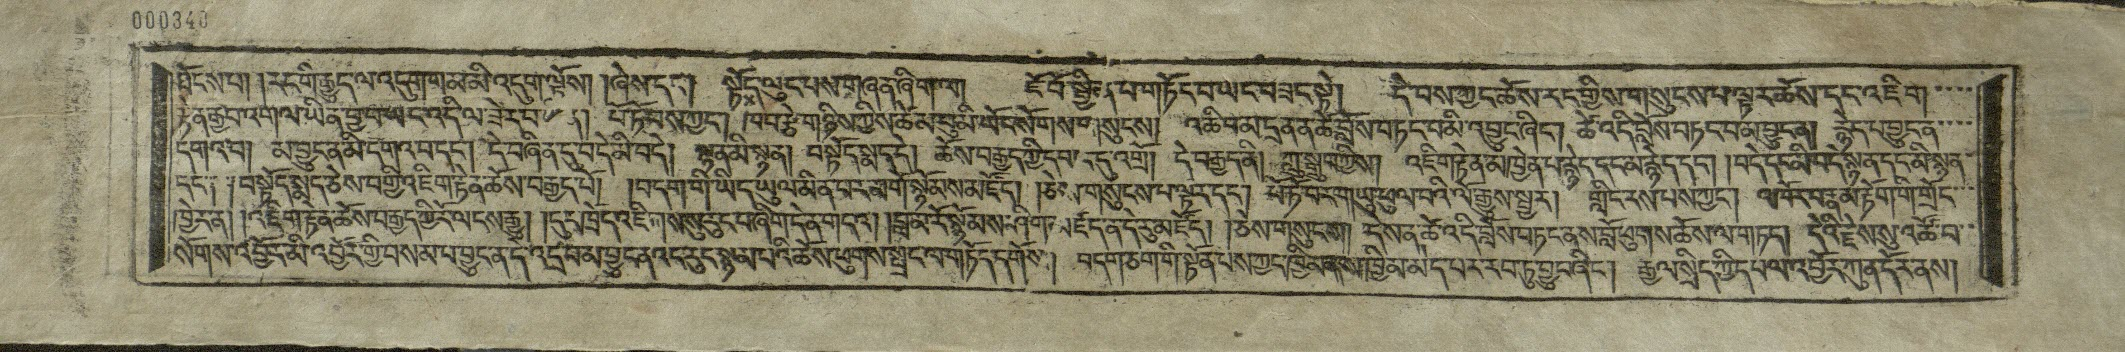ཐོངས་པ། །རང་གི་རྒྱུད་ལ་འདུག་གམ་མི་འདུག་ལྟོས། །ཞེས་དང་། སྟོད྾་ལུང་པས་གཞན་ཞིག་ལ། ཇོ་བོ་སྦྱིན་པ་གཏོང་བ་ཡང་བཟང་སྟེ། དེ་བས་ཀྱང་ཆོས་རང་གྱིས་གསུངས་པ་ལྟར་ཆོས་དང་འཇིག་
རྟེན་རྒྱབ་འགལ་ཡིན་བྱ་བ་ཡང་འདི་ལ་ཟེར་བ་ཡིན། པོ་ཏོ་བས་ཀྱང་། ཁབ་རྩེ་གཉིས་ཀྱིས་ཚེམ་བུ་མི་ཡོང་སོགས་གསུངས། འཆི་བ་མ་དྲན་ན་ཚེ་བློས་བཏང་བ་མི་འབྱུང་ཞིང་། ཚེ་འདི་བློས་བཏང་བ་མ་བྱུང་ན། རྙེད་པ་བྱུང་ན་
དགའ་བ། མ་བྱུང་ན་མི་དགའ་བ་དང་། དེ་བཞིན་དུ་བདེ་མི་བདེ། སྙན་མི་སྙན། བསྟོད་སྨད་དེ། ཆོས་བརྒྱད་ཀྱི་དབང་དུ་འགྲོ། ད་བརྒྱད་ནི། ཀླུ་སྒྲུབ་ཀྱིས། འཇིག་རྟེན་མཁྱེན་པ་རྙེད་དང་མ་རྙེད་དང་། །བདེ་དང་མི་བདེ་སྙན་དང་མི་སྙན་
དང༑ ༑བསྟོད་སྨད་ཅེས་བགྱི་འཇིག་རྟེན་ཆོས་བརྒྱད་པོ། །བདག་གི་ཡིད་ཡུལ་མིན་པར་མགོ་སྙོམས་མཛོད། །ཅེས་གསུངས་པ་ལྟར་དང་། པོ་ཏོ་བར་གཡུ་ཕུལ་བའི་ལོ་རྒྱུས་སྦྱར། གླིང་རས་པས་ཀྱང་། འཁོར་བ་རྣམ་རྟོག་གི་གྲོང་
ཁྱེར་ན། །འཇིག་རྟེན་ཆོས་བརྒྱད་ཀྱི་རོ་ལངས་རྒྱུ། །དུར་ཁྲོད་འཇིགས་སུ་རུང་བ་ཞིག་དེ་ན་གདའ། །བླ་མ་རོ་སྙོམས་ཤིག་མཛད་ན་དེ་རུ་མཛོད། །ཅེས་གསུངས། དེས་ན་ཚེ་འདི་བློས་བཏང་ནས་བློ་ཕུགས་ཆོས་ལ་གཏད། དེའི་རྗེས་སུ་འཚོ་བ་
སོགས་འབྱོར་མི་འབྱོར་གྱི་བསམ་པ་བྱུང་ན་དེ་འདྲ་བ་མ་བྱུང་ནའང་རུང་སྙམ་པའི་ཆོས་ཕུགས་སྤྲང་ལ་གཏོད་དགོས། བདག་ཅག་གི་སྟོན་པས་ཀྱང་ཁྱིམ་ནས་ཁྱིམ་མེད་པར་རབ་ཏུ་བྱུང་ཞིང་། རྒྱལ་སྲིད་ཀྱི་དཔལ་འབྱོར་ཀུན་དོར་ནས།